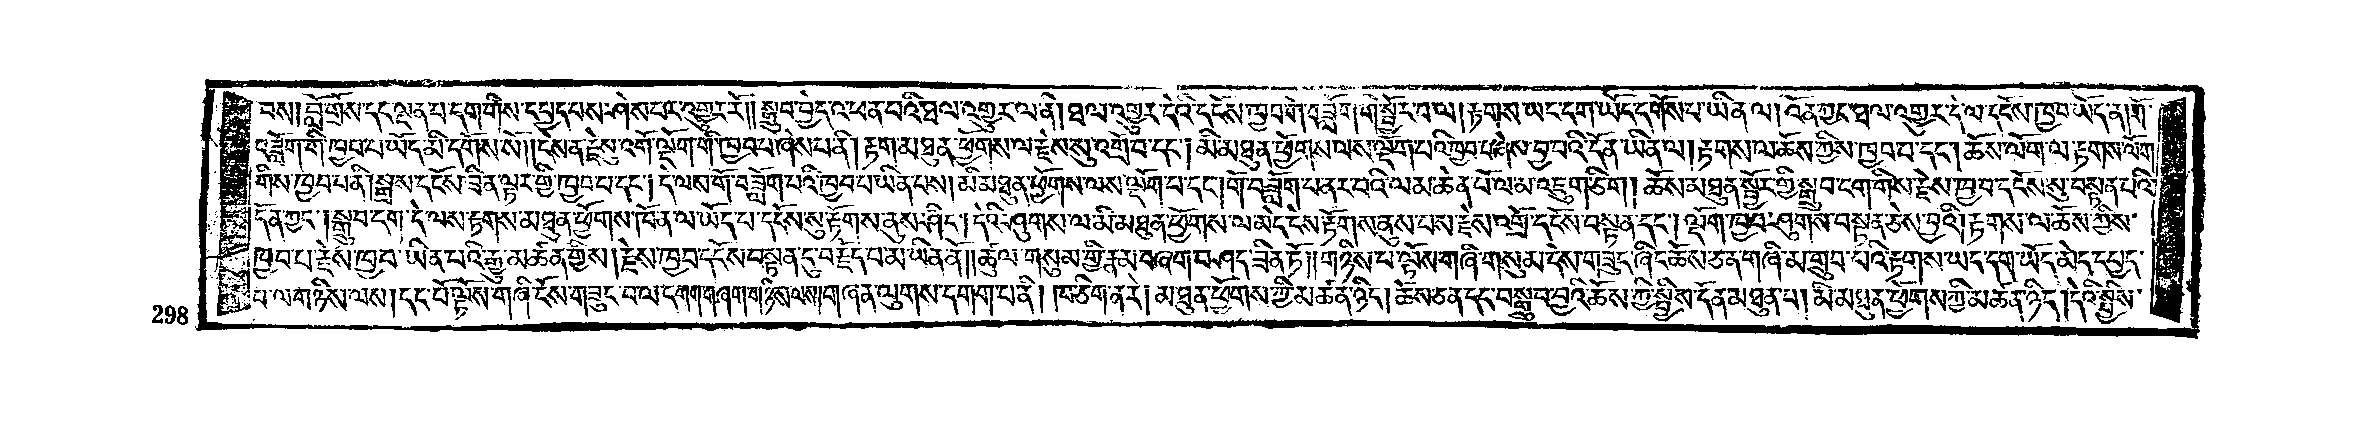བས། བློ་གྲོས་དང་ལྡན་པ་དག་གིས་དཔྱད་པས་ཤེས་པར་འགྱུར་རོ། །སྒྲུབ་བྱེད་འཕན་པའི་ཐལ་འགྱུར་ལ་ནི། ཐལ་འགྱུར་དེའི་དངོས་ཁྱབ་གོ་བཟློག་གི་སྦྱོར་བ་ལ། རྟགས་ཡང་དག་ཡོད་དགོས་པ་ཡིན་ལ། འོན་ཀྱང་ཐལ་འགྱུར་དེ་ལ་དངོས་ཁྱབ་ཡོད་ན། གོ་
བཟློག་གི་ཁྱབ་པ་ཡོད་མི་དགོས་སོ། །ངེས་ན་རྗེས་སུ་འགྲོ་ལྡོག་གི་ཁྱབ་པ་ཞེས་པ་ནི། རྟག་མཐུན་ཕྱོགས་ལ་རྗེས་སུ་འགྲོ་བ་དང་། མི་མཐུན་ཕྱོགས་ལས་ལྡོག་པའི་ཁྱབ་པ་ཞེས་བྱ་བའི་དོན་ཡིན་ལ། རྟགས་ལ་ཆོས་ཀྱིས་ཁྱབ་པ་དང་། ཆོས་ལོག་ལ་རྟགས་ལོག་
གིས་ཁྱབ་པ་ནི། སྒྲས་དངོས་ཟིན་ལྟར་གྱི་ཁྱབ་པ་དང་། དེ་ལས་གོ་བཟློག་པའི་ཁྱབ་པ་ཡིན་པས། མི་མཐུན་ཕྱོགས་ལས་ལྡོག་པ་དང་། གོ་བཟློག་པ་ནར་བའི་ལམ་ཆེན་པོ་ལ་མ་འཇུག་ཅིག །ཆོས་མཐུན་སྦྱོར་གྱི་སྒྲུབ་ངག་གིས་རྗེས་ཁྱབ་དངོས་སུ་བསྟན་པའི་
དོན་ཀྱང་། སྒྲུབ་དག་དེ་ལས་རྟགས་མཐུན་ཕྱོགས་ཁོ་ན་ལ་ཡོད་པ་དངོས་སུ་རྟོགས་ནུས་ཤིང་། དེའི་ཤུགས་ལ་མི་མཐུན་ཕྱོགས་ལ་མེད་ངེས་རྟོགས་ནུས་པས་རྗེས་འགྲོ་དངོས་བསྟན་དང་། ལྡོག་ཁྱབ་ཤུགས་བསྟན་ཅེས་བྱའི། རྟགས་ལ་ཆོས་ཀྱིས་
ཁྱབ་པ་རྗེས་ཁྱབ་ཡིན་པའི་རྒྱུ་མཚན་གྱིས། རྗེས་ཁྱབ་དངོས་བསྟན་དུ་བརྗོད་པ་མ་ཡིན་ནོ། །ཚུལ་གསུམ་གྱི་རྣམ་བཞག་བཤད་ཟིན་ཏོ། །གཉིས་པ་ལྟོས་གཞི་གསུམ་དེས་གཟུང་ཞིང་ཆོས་ཅན་གཞི་མ་གྲུབ་པའི་རྟགས་ཡང་དག་ཡོད་མེད་དཔྱད་
པ་ལ་གཉིས་ལས། དང་པོ་ལྟོས་གཞི་ངོས་གཟུང་བ་ལ་དགག་གཞག་གཉིས་ལས། གཞན་ལུགས་དགག་པ་ནི། ཁ་ཅིག་ན་རེ། མཐུན་ཕྱོགས་ཀྱི་མཚན་ཉིད། ཆོས་ཅན་དང་བསྒྲུབ་བྱའི་ཆོས་ཀྱི་སྤྱིས་དོན་མཐུན་པ། མི་མཐུན་ཕྱོགས་ཀྱི་མཚན་ཉིད། དེའི་སྤྱིས་